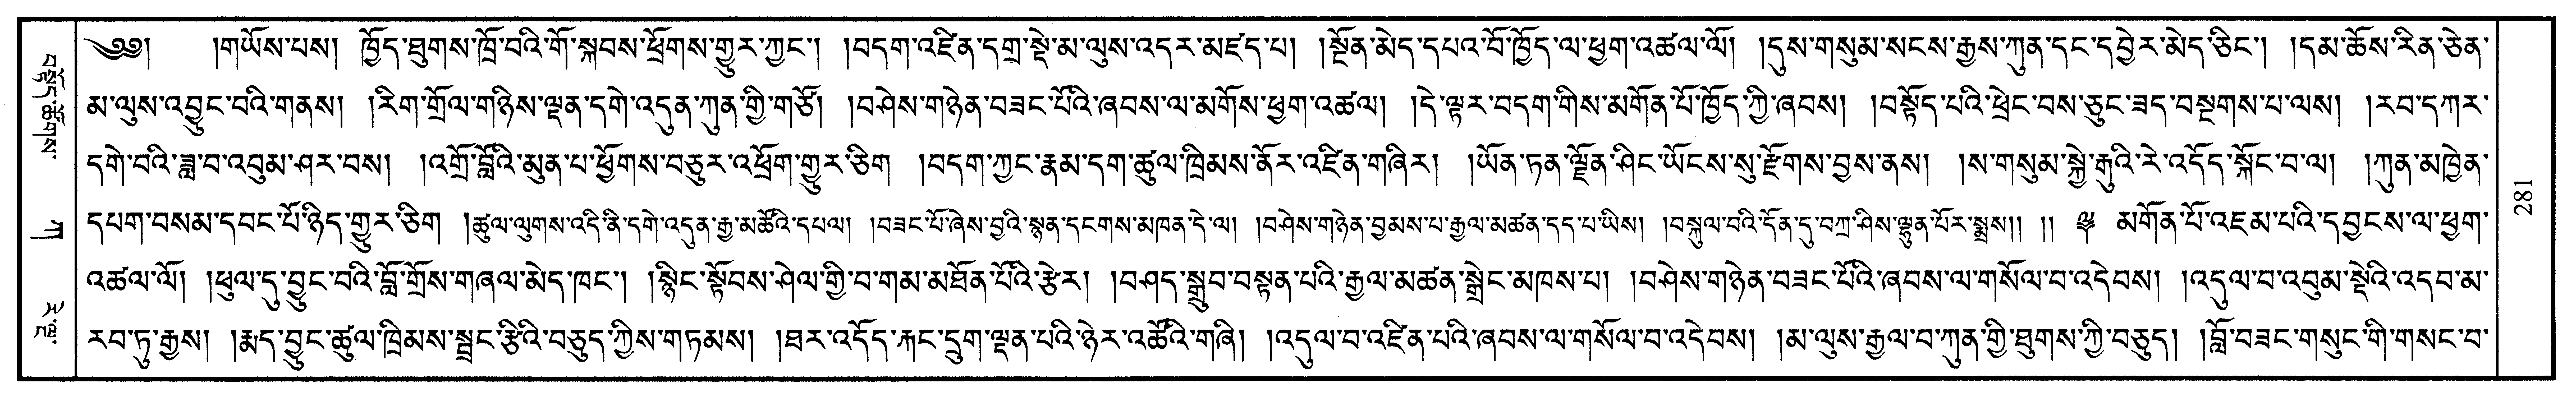༄༅། །གཡོས་པས། ཁྱོད་ཐུགས་ཁྲོ་བའི་གོ་སྐབས་ཕྲོགས་གྱུར་ཀྱང་། །བདག་འཛིན་དགྲ་སྡེ་མ་ལུས་འདར་མཛད་པ། །སྔོན་མེད་དཔའ་བོ་ཁྱོད་ལ་ཕྱག་འཚལ་ལོ། །དུས་གསུམ་སངས་རྒྱས་ཀུན་དང་དབྱེར་མེད་ཅིང་། །དམ་ཆོས་རིན་ཅེན་
མ་ལུས་འབྱུང་བའི་གནས། །རིག་གྲོལ་གཉིས་ལྡན་དགེ་འདུན་ཀུན་གྱི་གཙོ། །བཤེས་གཉེན་བཟང་པོའི་ཞབས་ལ་མགོས་ཕྱག་འཚལ། །དེ་ལྟར་བདག་གིས་མགོན་པོ་ཁྱོད་ཀྱི་ཞབས། །བསྟོད་པའི་ཕྲེང་བས་ཅུང་ཟད་བསྔགས་པ་ལས། །རབ་དཀར་
དགེ་བའི་ཟླ་བ་འབུམ་ཤར་བས། །འགྲོ་བློའི་མུན་པ་ཕྱོགས་བཅུར་འཕྲོག་གྱུར་ཅིག །བདག་ཀྱང་རྣམ་དག་ཚུལ་ཁྲིམས་ནོར་འཛིན་གཞིར། །ཡོན་ཏན་ལྗོན་ཤིང་ཡོངས་སུ་རྫོགས་བྱས་ནས། །ས་གསུམ་སྐྱེ་རྒུའི་རེ་འདོད་སྐོང་བ་ལ། །ཀུན་མཁྱེན་
དཔག་བསམ་དབང་པོ་ཉིད་གྱུར་ཅིག །ཚུལ་ལུགས་འདི་ནི་དགེ་འདུན་རྒྱ་མཚོའི་དཔལ། །བཟང་པོ་ཞེས་བྱའི་སྙན་དངགས་མཁན་དེ་ལ། །བཤེས་གཉེན་བྱམས་པ་རྒྱལ་མཚན་དད་པ་ཡིས། །བསྐུལ་བའི་དོན་དུ་བཀྲ་ཤིས་ལྷུན་པོར་སྨྲས།། །། ༈ མགོན་པོ་འཇམ་པའི་དབྱངས་ལ་ཕྱག་
འཚལ་ལོ། །ཕུལ་དུ་བྱུང་བའི་བློ་གྲོས་གཞལ་མེད་ཁང་། །སྙིང་སྟོབས་ཤེལ་གྱི་བ་གམ་མཐོན་པོའི་རྩེར། །བཤད་སྒྲུབ་བསྟན་པའི་རྒྱལ་མཚན་སྒྲེང་མཁས་པ། །བཤེས་གཉེན་བཟང་པོའི་ཞབས་ལ་གསོལ་བ་འདེབས། །འདུལ་བ་འབུམ་སྡེའི་འདབ་མ་
རབ་ཏུ་རྒྱས། །རྨད་བྱུང་ཚུལ་ཁྲིམས་སྦྲང་རྩིའི་བཅུད་ཀྱིས་གཏམས། །ཐར་འདོད་རྐང་དྲུག་ལྡན་པའི་ཉེར་འཚོའི་གཞི་།འདུལ་བ་འཛིན་པའི་ཞབས་ལ་གསོལ་བ་འདེབས། །མ་ལུས་རྒྱལ་བ་ཀུན་གྱི་ཐུགས་ཀྱི་བཅུད། །བློ་བཟང་གསུང་གི་གསང་བ་